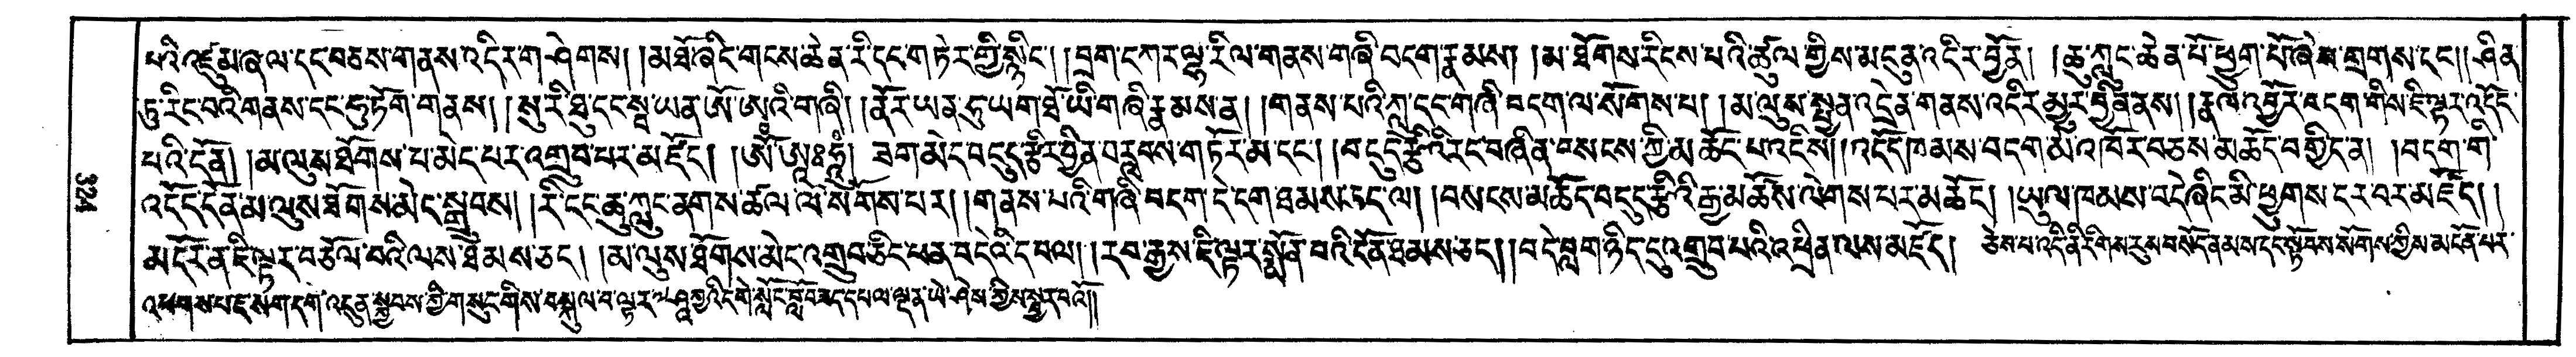པའི་འཛུམ་ཞལ་དང་བཅས་གནས་འདིར་གཤེགས། །མཐོ་ཞིང་གངས་ཆེན་རི་དང་གཏེར་གྱི་སྙིང་། །བྲག་དཀར་ལྷ་རིལ་གནས་གཞི་བདག་རྣམས། །མ་ཐོགས་རིངས་པའི་ཚུལ་གྱིས་མདུན་འདིར་བྱོན། །ཆུ་ཀླུང་ཆེན་པོ་ཕྱུག་པོ་ཞེས་གྲགས་དང་། །ཤིན་
ཏུ་རིང་བའི་གནས་དང་ཧུ་ཏོག་གནས། །སུ་རི་ཐུ་དང་སྦ་ཡན་ཨོ་ཨཱི་གཞི། །ནོར་ཡན་ཧུ་ཡག་ཐོ་ཡི་གཞི་རྣམས་ན། །གནས་པའི་ཀླུ་དང་གཞི་བདག་ལ་སོགས་པ། །མ་ལུས་སྤྱན་འདྲེན་གནས་འདིར་མྱུར་བྱོན་ནས། །རྣལ་འབྱོར་བདག་གིས་ཇི་ལྟར་འདོད་
པའི་དོན། །མ་ལུས་ཐོགས་པ་མེད་པར་འགྲུབ་པར་མཛོད། །ཨོཾ་ཨཱཿཧཱུཾ། ཟག་མེད་བདུན་རྩིར་བྱིན་བརླབས་གཏོར་མ་དང་། །བདུད་རྩིའི་རང་བཞིན་བསངས་ཀྱི་མཆོད་པ་འདིས། །འདོད་ཁམས་བདག་མོ་འཁོར་བཅས་མཆོད་བགྱིད་ན། །བདག་གི་
འདོད་དོན་མ་ལུས་ཐོགས་མེད་སྒྲུབས། །རི་དང་ཆུ་ཀླུང་ནགས་ཚལ་ལ་སོགས་པར། །གནས་པའི་གཞི་བདག་དེ་དག་ཐམས་ཅད་ལ། །བསངས་མཆོད་བདུད་རྩིའི་རྒྱ་མཚོས་ལེགས་པར་མཆོད། །ཡུལ་ཁམས་བདེ་ཞིང་མི་ཕྱུགས་དར་བར་མཛོད།།
མདོར་ན་ཇི་ལྟར་བཅོལ་བའི་ལས་ཐམས་ཅད། །མ་ལུས་ཐོགས་མེད་འགྲུབ་ཅིང་ཕན་བདེའི་དཔལ། །རབ་རྒྱས་ཇི་ལྟར་སྨོན་པའི་དོན་ཐམས་ཅད། །བདེ་བླག་ཉིད་དུ་འགྲུབ་པའི་འཕྲིན་ལས་མཛོད། ཅེས་པ་འདི་ནི་རིགས་རུས་བསོད་ནམས་དད་སྟོབས་སོགས་ཀྱིས་མངོན་པར་
འཕགས་བ་ཇ་སག་དགེ་འདུན་སྐྱབས་ཀྱི་གསུང་གིས་བསྐུལ་བ་ལྟར ༧་ཤཱཀྱའི་དགེ་སློང་བློ་བཟང་དཔལ་ལྡན་ཡེ་ཤེས་ཀྱིས་སྦྱར་བའོ།། །།